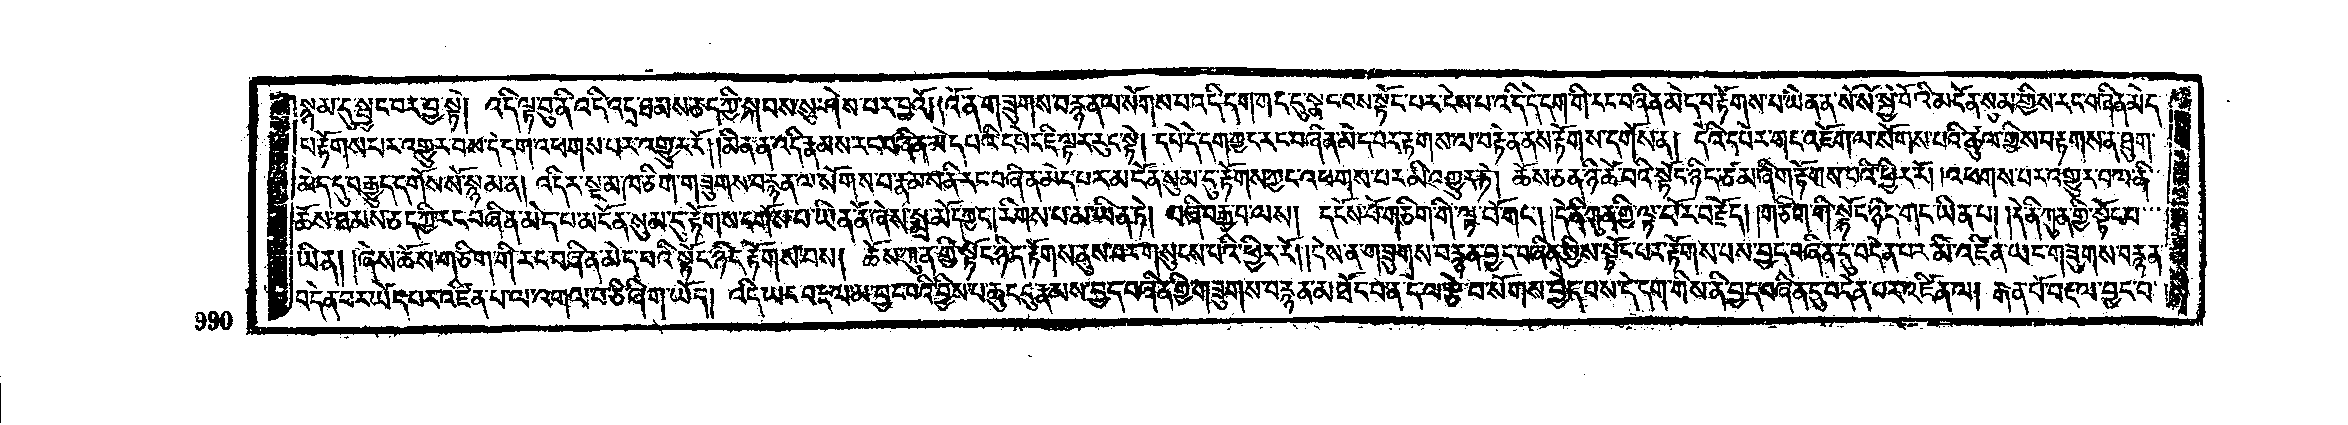སྙམ་དུ་སྦྱང་བར་བྱ་སྟེ། འདི་ལྟ་བུ་ནི་འདི་འདྲ་ཐམས་ཅད་ཀྱི་སྐབས་སུ་ཤེས་པར་བྱའོ། །འོ་ན་གཟུགས་བརྙན་ལ་སོགས་པ་འདི་དག་གང་དུ་སྣང་བས་སྟོང་པར་ངེས་པ་འདི་དེ་དག་གི་རང་བཞིན་མེད་པ་རྟོགས་པ་ཡིན་ན་སོ་སོ་སྐྱེ་བོའི་མངོན་སུམ་གྱིས་རང་བཞིན་མེད་
པ་རྟོགས་པར་འགྱུར་བས་དེ་དག་འཕགས་པར་འགྱུར་རོ། །མིན་ན་འདི་རྣམས་རང་བཞིན་མེད་པའི་དཔེར་ཇི་ལྟར་རུང་སྟེ། དཔེ་དེ་དག་ཀྱང་རང་བཞིན་མེད་པར་རྟགས་ལ་བརྟེན་ནས་རྟོགས་དགོས་ན། དེའི་དཔེར་གང་འཇོག་ལ་སོགས་པའི་ཚུལ་གྱིས་བརྟགས་ན་ཐུག་
མེད་དུ་བརྒྱུད་དགོས་སོ་སྙམ་ན། འདི་ལ་སྔ་མ་ཁ་ཅིག་གཟུགས་བརྙན་ལ་སོགས་པ་རྣམས་ནི་རང་བཞིན་མེད་པར་མངོན་སུམ་དུ་རྟོགས་ཀྱང་འཕགས་པར་མི་འགྱུར་ཏེ། ཆོས་ཅན་ཉི་ཚེ་བའི་སྟོང་ཉིད་ཙམ་ཞིག་རྟོགས་པའི་ཕྱིར་རོ། །འཕགས་པར་འགྱུར་བ་ལ་ནི་
ཆོས་ཐམས་ཅད་ཀྱི་རང་བཞིན་མེད་པ་མངོན་སུམ་དུ་རྟོགས་དགོས་པ་ཡིན་ནོ་ཞེས་སྨྲ་མོད་ཀྱང་། རིགས་པ་མ་ཡིན་ཏེ། བཞི་བརྒྱ་པ་ལས། དངོས་པོ་གཅིག་གི་ལྟ་པོ་གང་། །དེ་ནི་ཀུན་གྱི་ལྟ་པོར་བརྗོད། །གཅིག་གི་སྟོང་ཉིད་གང་ཡིན་པ། །དེ་ནི་ཀུན་གྱི་སྟོང་པ་
ཡིན༑ ༑ཞེས་ཆོས་གཅིག་གི་རང་བཞིན་མེད་པའི་སྟོང་ཉིད་རྟོགས་པས། ཆོས་ཀུན་གྱི་སྟོང་ཉིད་རྟོགས་ནུས་པར་གསུངས་པའི་ཕྱིར་རོ། །དེས་ན་གཟུགས་བརྙན་བྱད་བཞིན་གྱིས་སྟོང་པར་རྟོགས་པས་བྱད་བཞིན་དུ་བདེན་པར་མི་འཛིན་ཡང་གཟུགས་བརྙན་
བདེན་པར་ཡོད་པར་འཛིན་པ་ལ་འགལ་བ་ཅི་ཞིག་ཡོད། འདི་ཡང་བརྡ་ལ་མ་བྱང་པའི་བྱིས་པ་ཆུང་ངུ་རྣམས་བྱད་བཞིན་གྱི་གཟུགས་བརྙན་མཐོང་བ་ན་དེ་ལ་རྩེ་བ་སོགས་བྱེད་པས་དེ་དག་གིས་ནི་བྱད་བཞིན་དུ་བདེན་པར་འཛིན་ལ། རྒན་པོ་བརྡ་ལ་བྱང་བ་